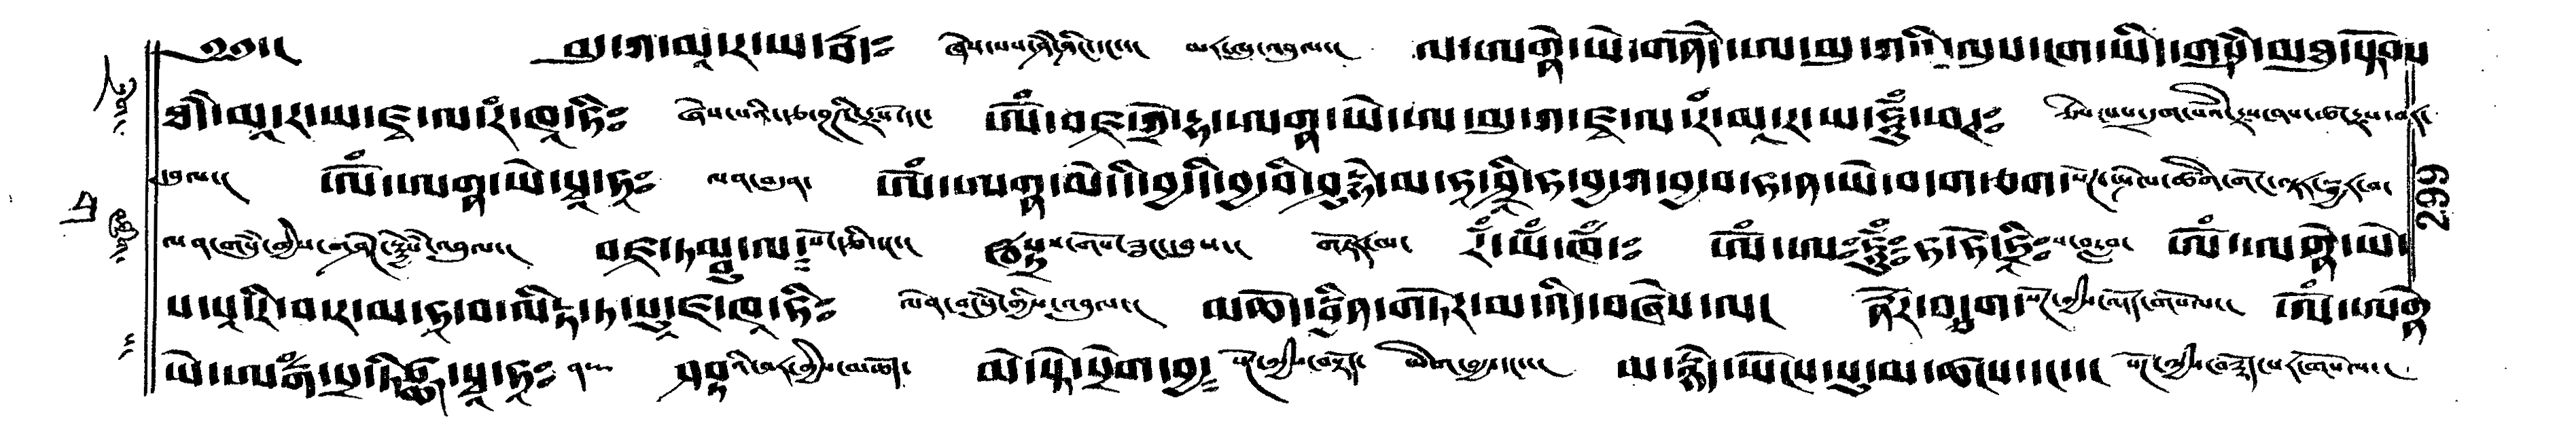མུ་ཀ་མཱ་ར་ཡ་རྦདཿ ཞེས་པས་ཡམས་ཤིང་དང་། མར་ཁུ་འབུལ། ཨ་ཨགྣེ་ཡེ་གནོད་བྱེད་ཨ་མུ་ཀའི་ལུས་ངག་ཡིད་གསུམ་མཐུ་སྟོབས་
ཐམས་ཅད་མཱ་ར་ཡ་ཛྭ་ལ་རཾ་ཁཱ་ཧིཿ ཞེས་པའི་རྩ་སྔགས་ཀྱིས་རྫས་དང་། ཨོཾ་བཛྲ་ཀྲོ་དྷ་ཨགྣ་ཡེ་ཨ་མུ་ཀ་ཛྭ་ལ་རཾ་མཱ་ར་ཡ་ཧཱུྃ་ཕཊཿ ཅེས་པས་དྲག་པོའི་རྫས་ནས་ཚ་རྫས་བར་
དབུལ། ཨོཾ་ཨགྣ་ཡེ་སྭ་ཧཱཿ ལན་བདུན། ཨོཾ་ཨགྣ་ཡེ་དྷི་བྱ་དྷི་བྱ་བི་ཤུདྷེ་མ་ཧཱ་ཤྲི་ཧ་བྱ་ཀ་བྱ་བ་ཧ་ན་ཡེ་བདག་ཅག༴ སོགས་སྤེལ་ཚིག་གོང་ལྟར་སྦྱར་བ་
ལན་གསུམ་གྱིས་གཤེགས་སྐྱེམས་འབུལ། བཛྲ་ཏམྦུ་ལ༴ སོ་རྩི་དང་། ཝསྟྲ ས་གོས་ཟུང་དབུལ། གཏོར་མ། རྃ་ཡྃ་ཁྃ༔ ཨོཾ་ཨཿཧཱུྃ་ཧ་ཧོ་ཧྲཱིཿ ས་བརླབ། ཨོཾ་ཨགྣེ་ཡེ་
ས་པཱ་རི་བ་ར་མ་ཧཱ་བ་ལིངྟ་ཏ་པུ་ཛ་ཁཱ་ཧིཿ ལན་གསུམ་གྱིས་འབུལ། མཆོད་སྦྱིན་གཏོར་མ་འདི་བཞེས་ལ༔ རྣལ་འབྱོར་བདག་ཅག་སོགས་ཀྱིས་འདོད་གསོལ་བྱ། ཨོཾ་ཨགྣེ་
ཡེ་ཨརྒྷཾ་པྲ་ཏིཙྪ་སྭ་ཧཱཿ ནས། ཤབྟ འི་བར་གྱིས་བཆོད། མེ་སྟེ་སྲེག་བྱ༴ སོགས་ཀྱིས་བསྟོད། ཡིག་བརྒྱ་དང་། མ་རྙེད་ཡོངས་སུ་མ་ཚངས་དང་༔ སོགས་ཀྱིས་བཟོད་པར་གསོལ།